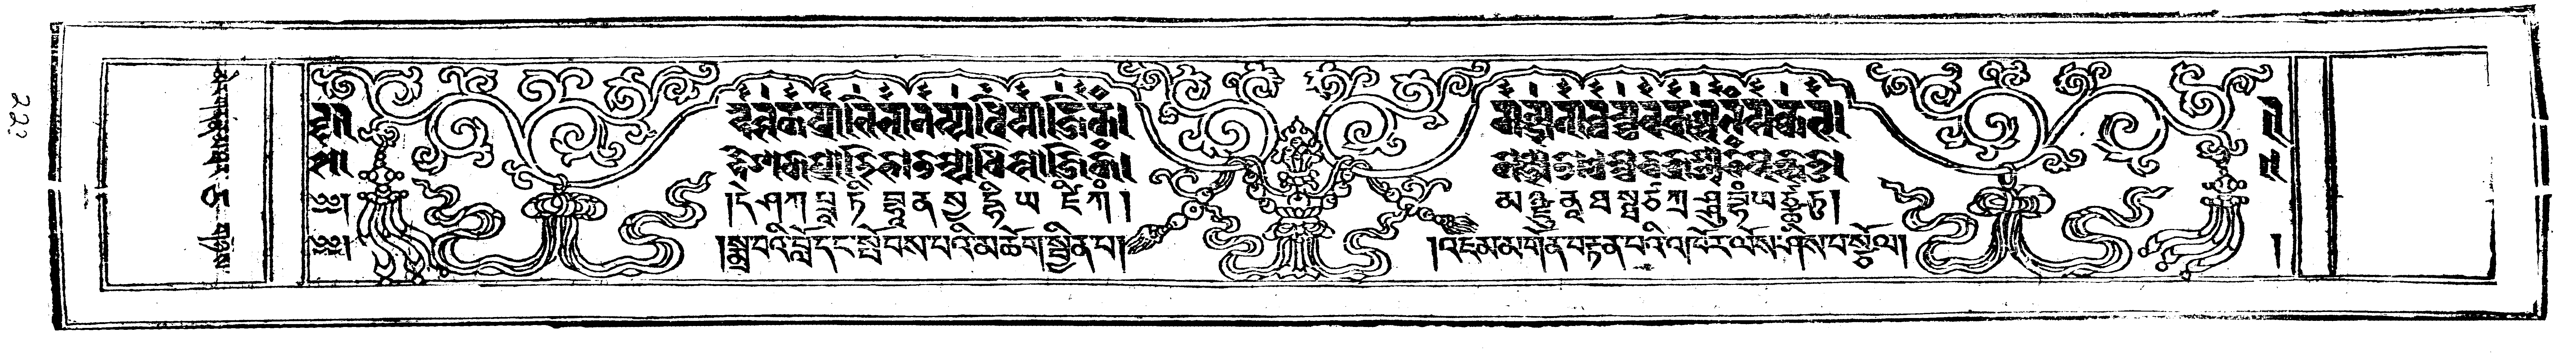༄༅། །དེ་ཤ་ཀ་པྲཱ་ཏི་བྷཱ་ན་སྱ་དྷི་ཡ་ཛི་ཀཾ། མ་ཉྫུ་ནཱ་ཐ་སྠ་ཙ་ཀྲ་ཤྴུ་བྷཾ་ཡ་ཙྩ་ཏུ།
།སྨྲ་བའི་བློ་དང་སྤོབས་པའི་མཆོག་སྦྱིན་པ། །འཇམ་མགོན་བརྟན་པའི་འཁོར་ལོས་ཤིས་པ་སྩོལ།